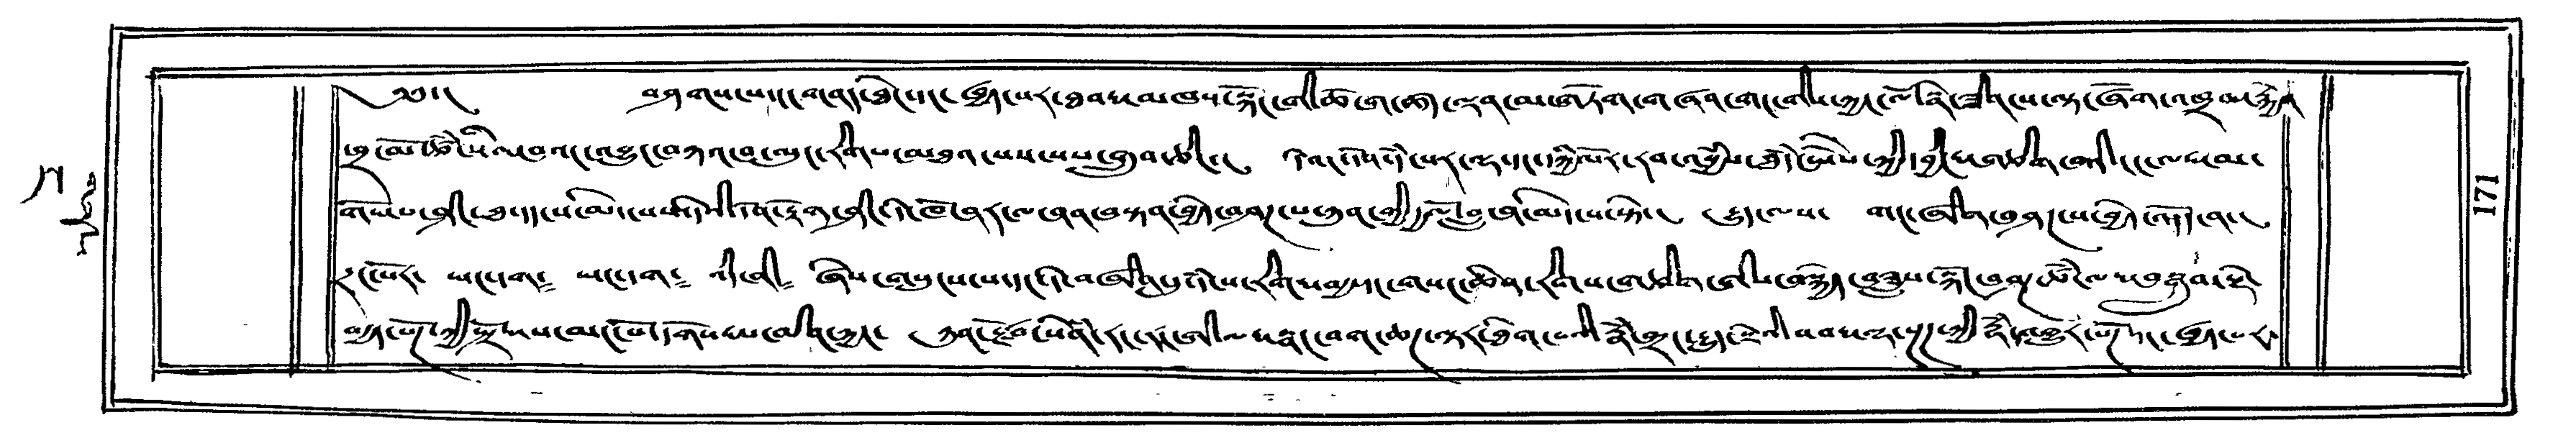བཤགས་པ་གནད་དུ་ཐེབས་པ་དང་ཁྱད་པར་ཐབས་མཁས་སྐོང་པའི་ཆོ་ག་ཚད་ལྡན་མ་གཏོགས་གཞན་གང་གིས་ཀྱང་ལམ་སྣེ་ཟིན་པ་ལྟ་ཞོག་འཕྲལ་རྐྱེན་
ཕྲ་མོ་ཙམ་སེལ་བའང་འབྱུང་དཀའ་བ་ལུང་རིགས་མཐའ་ཡས་པས་གྲུབ་ཅིང་། དེའང་དོན་དམ་པར་ལྷ་དང་དཀྱིལ་འཁོར་རབ་འབྱམས་ཐམས་ཅད་ཡེ་ཤེས་ཀྱི་དབྱིངས་གཅིག་གི་ངང་ལས་མ་
གཡོས་ཤིང་ཐ་དད་པ་མེད་པས་དེའི་དོན་རྟོགས་ཤིང་དེ་ཁོ་ན་ལ་ནན་བསྟན་བྱེད་པ་བཤགས་པ་ཀུན་གྱི་རྒྱལ་པོ་བླ་ན་མེད་པ་སྟེ། རྒྱུད་ལས། གང་ཞིག་བཤགས་པ་བྱེད་འདོད་ན། །
དྲང་པོར་འདུག་ལ་ཡང་དག་ལྟོས། །ཡང་དག་མཐོང་ན་རྣམ་པར་གྲོལ། འདི་ནི་འགྱོད་ཚངས་མཆོག་ཡིན་ནོ། ཞེས་གསུངས་པ་དང་། དེ་བཞིན་དུ་དམ་པ་རིགས་བརྒྱ་དང་གསང་ཆེན་རིགས་གཅིག་གི་བསྐྱེད་བཟླས་སྐོང་བཤགས་ཙམ་ལས་སྒྲུབ་སྡེ་
བརྒྱད་སོགས་ཀྱི་སྤྲོས་པ་མང་པོ་དགོས་པ་མིན་ཀྱང་། ཀུན་རྫོབ་སེམས་ཅན་རང་རང་གི་ལས་སྣང་བག་ཆགས་ལྟར་ཐེག་པའི་རྣམ་གྲངས། རྒྱུད་སྡེའི་བབས། ལྷ་སྔགས་ཀྱི་རྣམ་འགྱུར་སོགས་དང་། ཁྱད་པར་